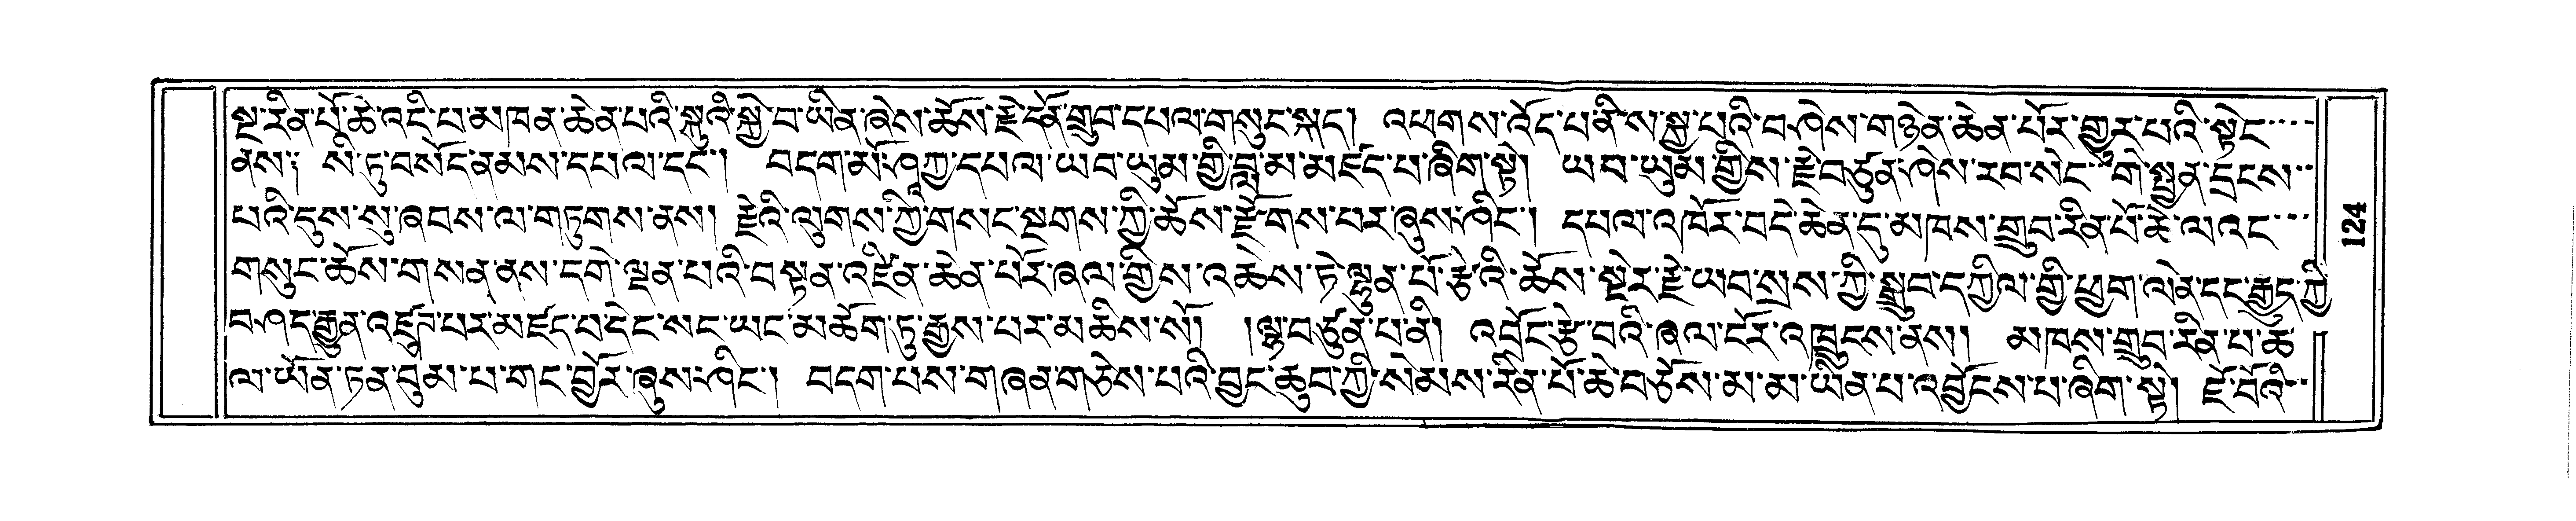སྔ་རིན་པོ་ཆེ་འདི་པ་མཁན་ཆེན་པའི་སྐུའི་སྐྱེ་བ་ཡིན་ཞེས་ཆོས་རྗེ་དོན་གྲུབ་དཔལ་གསུང་སྐད། འཕགས་འོད་པ་ནི་ས་སྐྱ་པའི་བཤེས་གཉེན་ཆེན་པོར་གྱུར་པའི་སྟེང་
ནས༑ སི་ཏུ་བསོད་ནམས་དཔལ་དང་། བདག་མོ་ཤཱཀྱ་དཔལ་ཡབ་ཡུམ་གྱི་བླ་མ་མཛད་པ་ཞིག་སྟེ། ཡབ་ཡུམ་གྱིས་རྗེ་བཙུན་ཤེས་རབ་སེང་གེ་སྤྱན་དྲངས་
པའི་དུས་སུ་ཞབས་ལ་གཏུགས་ནས། རྗེའི་ལུགས་ཀྱི་གསང་སྔགས་ཀྱི་ཆོས་རྫོགས་པར་ཞུས་ཤིང་། དཔལ་འཁོར་བདེ་ཆེན་དུ་མཁས་གྲུབ་རིན་པོ་ཆེ་ལའང་
གསུང་ཆོས་གསན་ནས་དགེ་ལྡན་པའི་བསྟན་འཛིན་ཆེན་པོར་ཞལ་གྱིས་འཆེས་ཏེ་ལྷུན་པོ་རྩེའི་ཆོས་སྡེར་རྗེ་ཡབ་སྲས་ཀྱི་སྒྲུབ་དཀྱིལ་གྱི་ཕྱག་ལེན་དང་རྒྱུད་ཀྱི་
བཤད་རྒྱུན་འཛུཌ་པར་མཛད་པ་དེང་སང་ཡང་མཆོག་ཏུ་རྒྱས་པར་མཆིས་སོ། །ལྷ་བཙུན་པ་ནི། འབྲོང་རྩེ་བའི་ཞལ་ངོར་འཁྲུངས་ནས། མཁས་གྲུབ་རིན་པ་ཆ་
ལ་ཡོན་ཏན་བུམ་པ་གང་བྱོར་ཞུས་ཤིང་། བདག་པས་གཞན་གཅེས་པའི་བྱང་ཆུབ་ཀྱི་སེམས་རིན་པོ་ཆེ་བཅོས་མ་མ་ཡིན་པ་འབྱོངས་པ་ཞིག་སྟེ། ཇོ་བོའི་